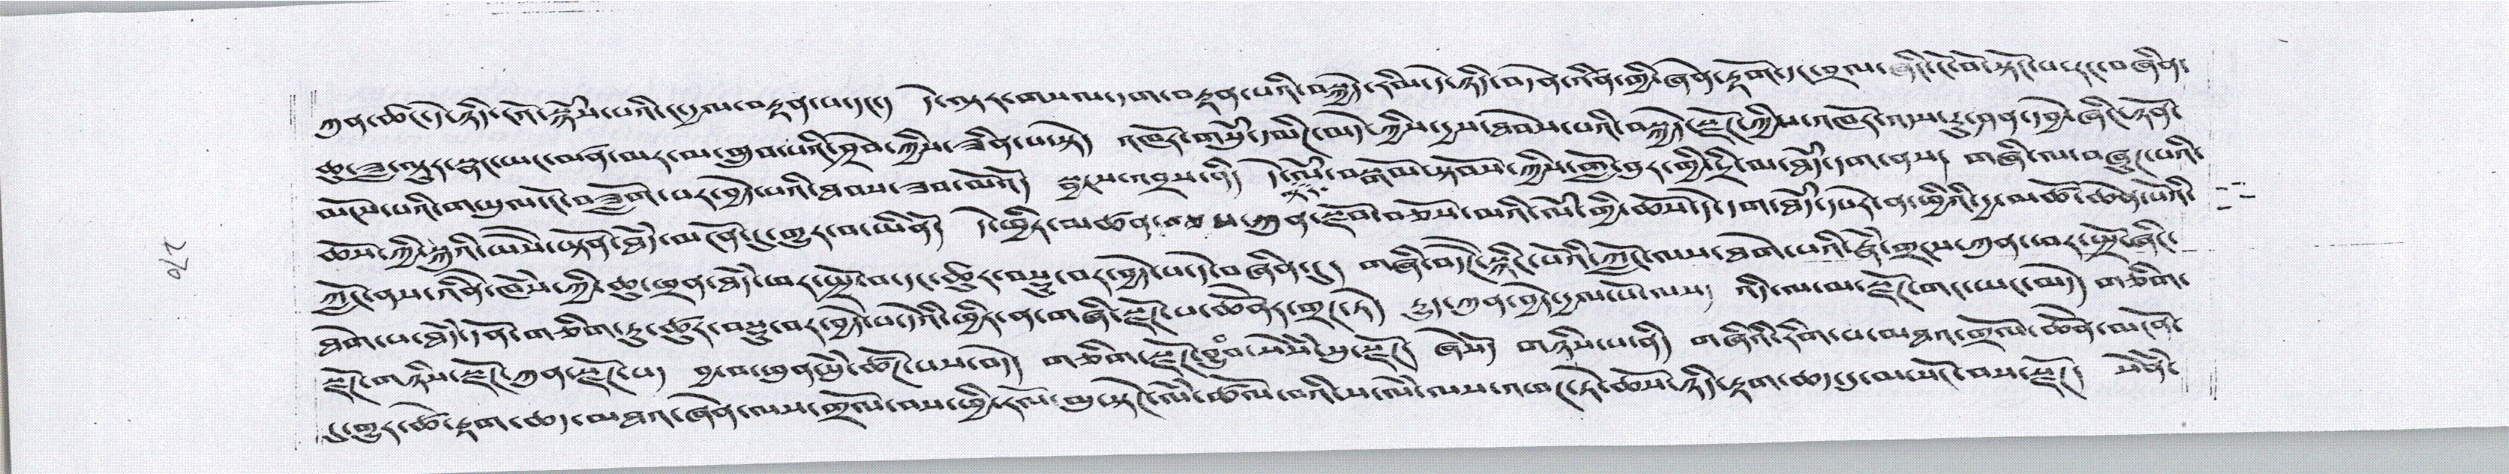ཀུན་ཚང་དེ་ཉིད་ངའོ་སྙམས་པའི་ང་རྒྱལ་བརྟན་པ་དང། དེ་ལྟར་གསལ་དག་བརྟན་པའི་བསྐྱེད་རིམ་དེ་ཉིད་བདེན་འཛིན་གྱི་ཞེན་རྟོག་དང་བྲལ་ཞིང་ངོ་བོ་སྟོང་པ་རང་བཞིན་
ཆུ་ཟླ་ལྟ་བུར་སྣང་ཡང་མཚན་མར་མ་གྲུབ་པའི་ཤེས་རབ་ཀྱིས་ཟིན་པ་སྟེ། འཁོར་གསུམ་དམིགས་མེད་ཀྱིས་རྒྱས་ཐེབས་པའི་བསྐྱེད་རྫོགས་ཀྱིས་འཁོར་འདས་རུ་ཤརན་དབྱེ་ཞིང་ཉོན་
མོངས་པའི་གཡུལ་ངོ་བཟློག་པར་བྱེད་པའི་ཐབས་ཟབ་མོའོ། སྦྱངས་འབྲས་ནི། དེ་ལྟར་ལམ་བསྒོམ་སྟོབས་ཀྱིས་གློ་བུར་གྱི་དྲི་མ་ཐམས་ཅད་དག་ནས། གཞི་ལ་བཞུགས་པའི་
ཆོས་ཀྱི་སྐུའི་ཡེ་ཤེས་ཡོན་ཏན་ཐམས་ཅད་མངོན་དུ་གྱུར་བ་ཡིན་ནོ། དེ་ཕྱིར་མཚན་བཅས་ཀུན་རྫོབ་བཅོས་མའི་ལམ་གྱི་ཆོས་དེ་དག་ཐམས་ཅད་དཔེར་ན་ཕྱིའི་རྒྱ་མཚོ་ཆེན་པོའི་
ཀློང་ནས་འཇིག་རྟེན་ཁམས་ཀྱི་ཆུ་ཕྲན་ཐམས་ཅད་ཕར་སྤྲོ་བ་དང་ཚུར་བསྡུ་བར་བྱེད་པ་དེ་བཞིན་དུ། གཞི་བདེ་གཤེགས་སྙིང་པོའི་ཀློང་ལས་ཐེག་པའི་རྣམ་གྲངས་ཀུན་ཕར་སྤྲོ་ཞིང་
ཐེག་པ་ཐམས་ཅད་དོན་གཅིག་ཏུ་ཚུར་བསྡུ་བར་བྱེད་པ་དེའི་ཕྱིར་ན་གཞི་རྫོགས་པ་ཆེན་པོར་གྲགས་ཏེ། རྒྱུད་ཀུན་བྱེད་རྒྱལ་པོ་ལས། འདི་ལ་མ་རྫོགས་གང་ཡང་མེད། གཅིག་
རྫོགས་གཉིས་རྫོགས་ཀུན་རྫོགས་པ། བྱ་བ་ཕུན་སུམ་ཚོགས་པས་བདེ། གཅིག་རྫོགས་བྱང་ཆུབ་སེམས་སུ་རྫོགས། ཞེས་སོ། གཉིས་པ་ནི། གཞིའི་རིག་པ་མཐའ་གྲོལ་ཆེན་པོ་མངོན་
དུ་གྱུར་ཚེ་རྟག་ཆད་མཐའ་ཞེན་ལས་གྲོལ་བས་ཕྱི་རོལ་མུ་སྟེགས་ལམ་ཚོལ་བའི་ས་ལམ་ལས་འཕགས་ཏེ་ཆོས་ཉིད་རྟག་ཆད་དུ་མ་སོང་བས་རྫོགས། སེམས་ཅན་